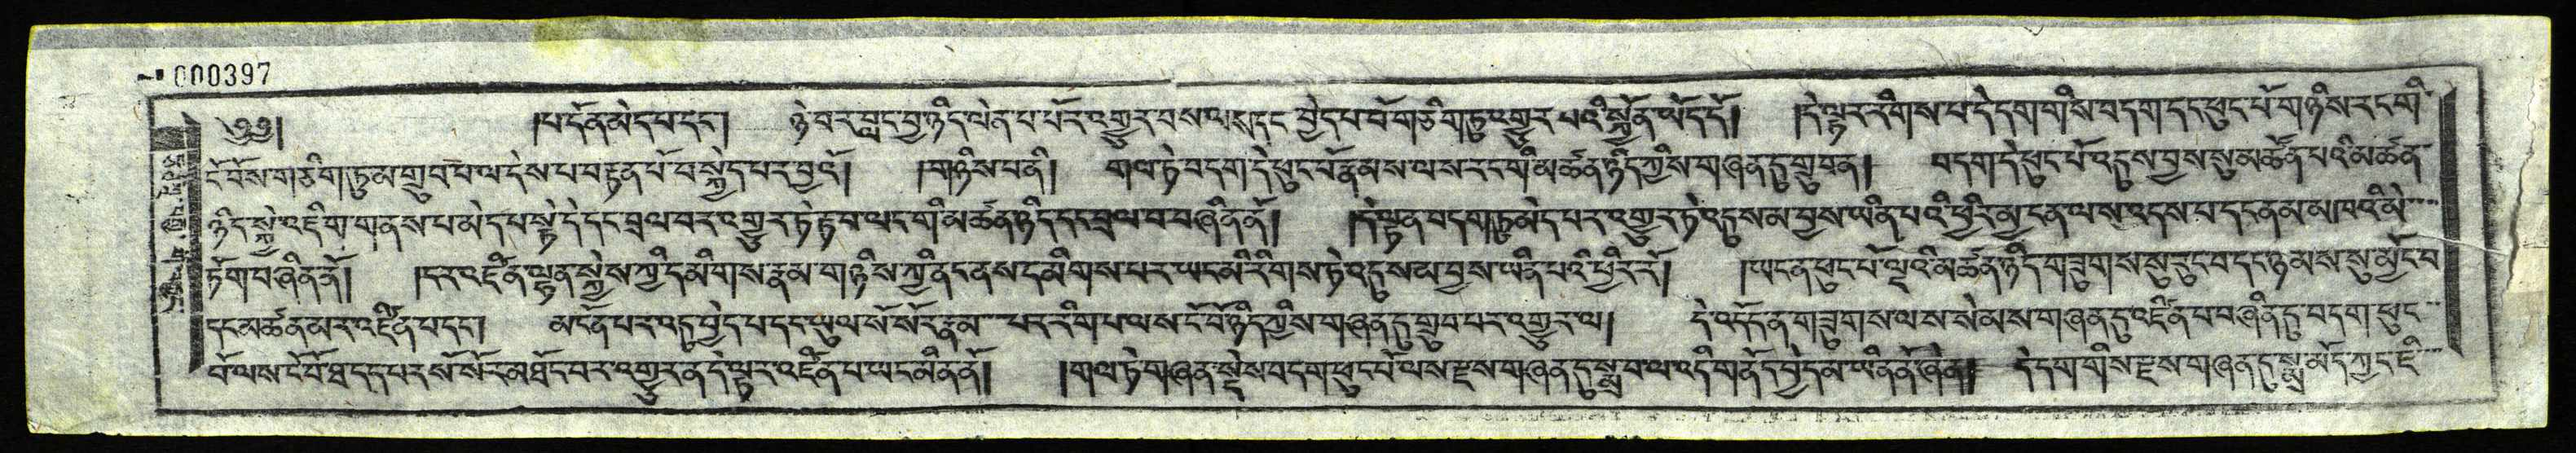༄༅། །པ་དོན་མེད་པ་དང་། ཉེ་བར་བླང་བྱ་ཉིད་ལེན་པ་པོར་འགྱུར་བས་ལས་དང་བྱེད་པ་པོ་གཅིག་ཏུ་འགྱུར་བའི་སྐྱོན་ཡོད་དོ། །དེ་ལྟར་རིགས་པ་དེ་དག་གིས་བདག་དང་ཕུང་པོ་གཉིས་རང་གི་
ངོ་བོས་གཅིག་ཏུ་མ་གྲུབ་པ་ལ་དེས་པ་བརྟན་པོ་བསྐྱེད་པར་བྱའོ། །གཉིས་པ་ནི། གལ་ཏེ་བདག་དེ་ཕུང་པོ་རྣམས་ལས་རང་གི་མཚན་ཉིད་ཀྱིས་གཞན་དུ་གྲུབ་ན། བདག་དེ་ཕུང་པོ་འདུས་བྱས་སུ་མཚོན་པའི་མཚན་
ཉིད་སྐྱེ་འཇིག་གནས་པ་མེད་པ་སྟེ་དེ་དང་བྲལ་བར་འགྱུར་ཏེ་རྟ་བ་ལང་གི་མཚན་ཉིད་དང་བྲལ་བ་བཞིན་ནོ། །དེ་ལྟ་ན་བདག་ཏུ་མེད་པར་འགྱུར་ཏེ་འདུས་མ་བྱས་ཡིན་པའི་ཕྱིར་མྱ་ངན་ལས་འདས་པ་དང་ནམ་མཁའི་མེ་
ཏོག་བཞིན་ནོ། །ངར་འཛིན་ལྷན་སྐྱེས་ཀྱི་དམིགས་རྣམ་གཉིས་ཀྱི་ནང་ནས་དམིགས་པར་ཡང་མི་རིགས་ཏེ་འདུས་མ་བྱས་ཡིན་པའི་ཕྱིར་རོ། །ཡང་ན་ཕུང་པོ་ལྔའི་མཚན་ཉིད་གཟུགས་སུ་རུང་བ་དང་ཉམས་སུ་མྱོང་བ་
དང་མཚན་མར་འཛིན་པ་དང་། མངོན་པར་འདུ་བྱེད་པ་དང་ཡུལ་སོ་སོར་རྣམ་པར་རིག་པ་ལས་ངོ་བོ་ཉིད་ཀྱིས་གཞན་དུ་གྲུབ་པར་འགྱུར་ལ། དེ་འདོད་ན་གཟུགས་ལས་སེམས་གཞན་དུ་འཛིན་པ་བཞིན་དུ་བདག་ཕུང་
པོ་ལས་ངོ་བོ་ཐ་དད་པར་སོ་སོར་མཐོང་བར་འགྱུར་ན་དེ་ལྟར་འཛིན་པ་ཡང་མིན་ནོ། །གལ་ཏེ་གཞན་སྡེས་བདག་ཕུང་པོ་ལས་རྫས་གཞན་དུ་སྨྲ་བ་ལ་འདི་གནོད་བྱེད་མ་ཡིན་ནོ་ཞེ་ན། དེ་དག་གིས་རྫས་གཞན་དུ་སྨྲ་མོད་ཀྱང་ཇི་